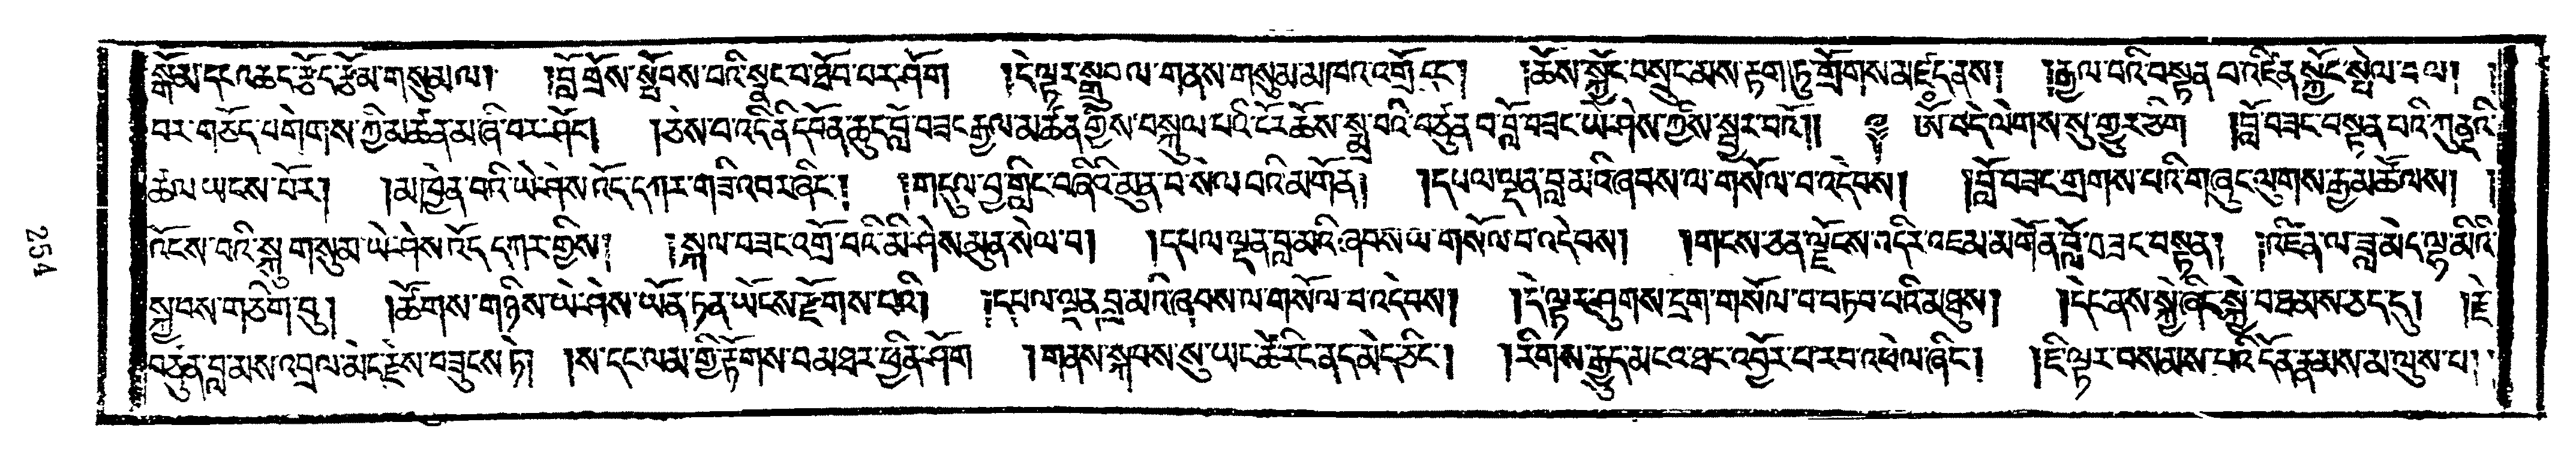སྒོམ་དང་འཆད་རྩོད་རྩོམ་གསུམ་ལ། །བློ་གྲོས་སྤོབས་པའི་སྣང་བ་ཐོབ་པར་ཤོག །དེ་ལྟར་སྒྲུབ་ལ་གནས་གསུམ་མཁའ་འགྲོ་དང་། །ཆོས་སྐྱོང་བསྲུང་མས་རྟག་ཏུ་གྲོགས་མཛད་ནས། །རྒྱལ་བའི་བསྟན་པ་འཛིན་སྐྱོང་སྤེལ་བ་ལ། །
བར་གཅོད་བགེགས་ཀྱི་མཚན་མ་ཞི་བར་ཤོང་། །ཅེས་བ་འདི་ནི་དབོན་ཆུང་བློ་བཟང་རྒྱལ་མཚན་གྱིས་བསྐུལ་པའི་ངོར་ཆོས་སྨྲ་བའི་བཙུན་བ་བློ་བཟང་ཡེ་ཤེས་ཀྱིས་སྦྱར་བའོ།། ༈ ཨོཾ་བདེ་ལེགས་སུ་གྱུར་ཅིག །བློ་བཟང་བསྟན་པའི་ཀུནྡའི་
ཚལ་ཡངས་པོར། །མཁྱེན་བའི་ཡེ་ཤེས་འོད་དཀར་གཟི་འབར་ཞིང་། །གདུལ་བྱ་གླིང་བཞིའི་མུན་བ་སེལ་བའི་མགོན། །དཔལ་ལྡན་བླ་མའི་ཞབས་ལ་གསོལ་བ་འདེབས། །བློ་བཟང་གྲགས་པའི་གཞུང་ལུགས་རྒྱ་མཚོ་ལས། །
འོངས་བའི་སྐུ་གསུམ་ཡེ་ཤེས་འོད་དཀར་གྱིས། །སྐལ་བཟང་འགྲོ་བའི་མི་ཤེས་མུན་སེལ་བ། །དཔལ་ལྡན་བླ་མའི་ཞབས་ལ་གསོལ་བ་འདེབས། །གངས་ཅན་ལྗོངས་འདིར་འཇམ་མགོན་བློ་བཟང་བསྟན། །འཛིན་ལ་ཟླ་མེད་ལྷ་མིའི་
སྐྱབས་གཅིག་བུ། །ཚོགས་གཉིས་ཡེ་ཤེས་ཡོན་ཏན་ཡོངས་རྫོགས་པའི། །དཔལ་ལྡན་བླ་མའི་ཞབས་ལ་གསོལ་བ་འདེབས། །དེ་ལྟར་ཤུགས་དྲག་གསོལ་བ་བཏབ་པའི་མཐུས། །དེང་ནས་སྐྱེ་ཞིང་སྐྱེ་བ་ཐམས་ཅད་དུ། །རྗེ་
བཙུན་བླ་མས་འབྲལ་མེད་རྗེས་བཟུངས་ཏེ། །ས་དང་ལམ་གྱི་རྟོགས་པ་མཐར་ཕྱིན་ཤོག །གནས་སྐབས་སུ་ཡང་ཚེ་རིང་ནད་མེད་ཅིང་། །རིགས་རྒྱུད་མངའ་ཐང་འབྱོར་པ་རབ་འཕེལ་ཞིང་། །ཇི་ལྟར་བསམས་པའི་དོན་རྣམས་མ་ལུས་པ། །